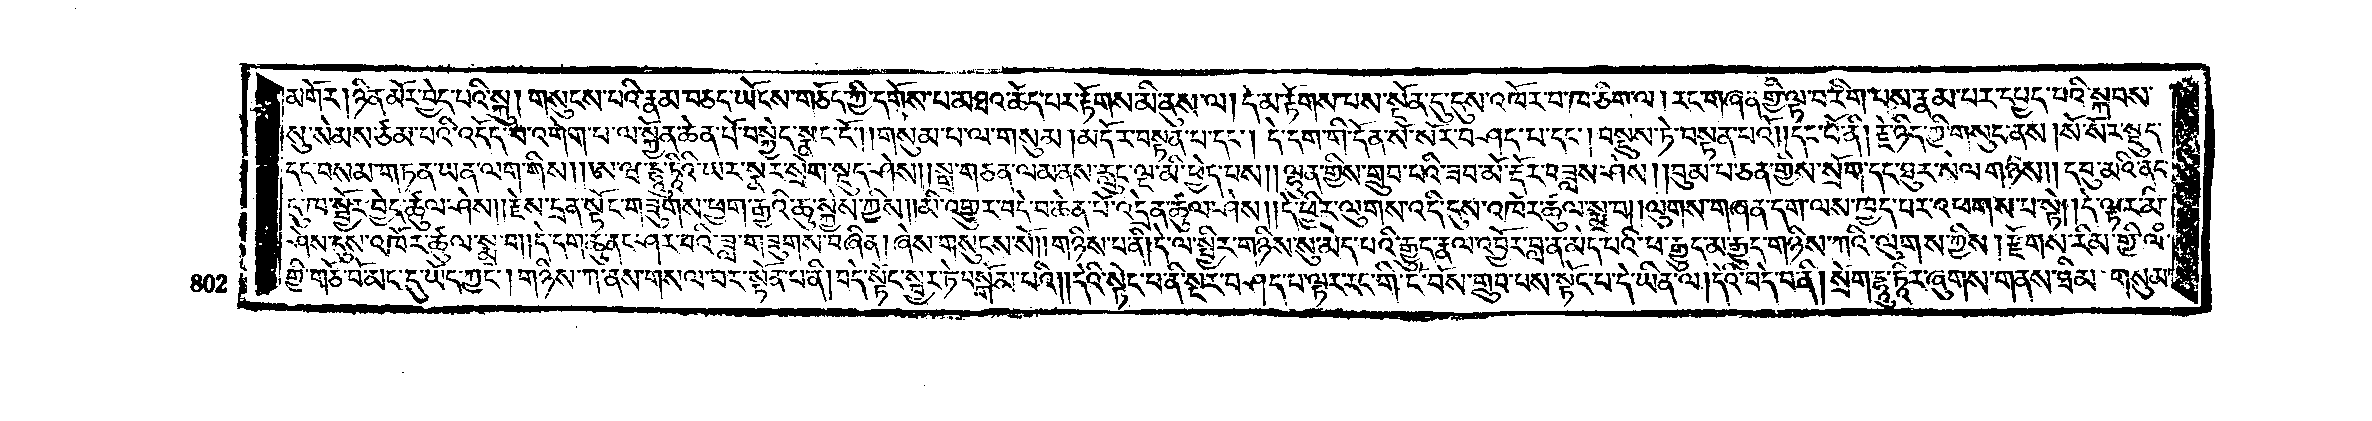མགོར། ཉིན་མོར་བྱེད་པའི་སྐུ། གསུངས་པའི་རྣམ་བཅད་ཡོངས་གཅོད་ཀྱི་དགོས་པ་མཐའ་ཆོད་པར་རྟོགས་མི་ནུས་ལ། དེ་མ་རྟོགས་པས་སྔོན་དུ་དུས་འཁོར་བ་ཁ་ཅིག་ལ། རང་གཞན་གྱི་ལྟ་བ་རིག་པས་རྣམ་པར་དཔྱད་པའི་སྐབས་
སུ་སེམས་ཙམ་པའི་འདོད་པ་འགེག་པ་ལ་སྐྱོན་ཆེན་པོ་བསྐྱེད་སྣང་ངོ། །གསུམ་པ་ལ་གསུམ། མདོར་བསྟན་པ་དང་། དེ་དག་གི་དོན་སོ་སོར་བཤད་པ་དང་། བསྡུས་ཏེ་བསྟན་པའོ། །དང་པོ་ནི། རྗེ་ཉིད་ཀྱི་གསུང་ནས། སོ་སོར་སྡུད་
དང་བསམ་གཏན་ཡན་ལག་གིས། །ཨ་ཝ་དྷཱུ་ཏཱིའི་ཡར་སྣར་སྲེག་སྡུད་ཤེས། །སྒྲ་གཅན་ལམ་ནས་རླུང་ལྔ་མི་ཕྱེད་པས། །ལྷུན་གྱིས་གྲུབ་པའི་ཟབ་མོ་རྡོར་བཟླས་ཤེས། །བུམ་པ་ཅན་གྱིས་སྲོག་དང་ཐུར་སེལ་གཉིས། །དབུ་མའི་ནང་
དུ་ཁ་སྦྱོར་བྱེད་ཚུལ་ཤེས། །རྗེས་དྲན་སྟོང་གཟུགས་ཕྱག་རྒྱའི་ཆུ་སྐྱེས་ཀྱིས། །མི་འགྱུར་བདེ་བ་ཆེན་པོ་འདྲེན་ཚུལ་ཤེས། །དེ་ཕྱིར་ལུགས་འདི་དུས་འཁོར་ཚུལ་སྨྲ་བ། །ལུགས་གཞན་དག་ལས་ཁྱད་པར་འཕགས་པ་སྟེ། དེ་ལྟར་མི་
ཤེས་དུས་འཁོར་ཚུལ་སྨྲ་བ། །དེ་དག་ཆུ་ནང་ཤར་བའི་ཟླ་གཟུགས་བཞིན། ཞེས་གསུངས་སོ། །གཉིས་པ་ནི། དེ་ལ་སྤྱིར་གཉིས་སུ་མེད་པའི་རྒྱུད་རྣལ་འབྱོར་བླ་ན་མེད་པའི་ཕ་རྒྱུད་མ་རྒྱུད་གཉིས་ཀའི་ལུགས་ཀྱིས། རྫོགས་རིམ་གྱི་ལམ་
གྱི་གཙོ་བོ་མང་དུ་ཡོད་ཀྱང་། གཉིས་ཀ་ནས་གསལ་བར་སྟོན་པ་ནི། བདེ་སྟོང་སྦྱར་ཏེ་བསྒོམ་པའི། །དེའི་སྟེང་པ་ནི་སྔར་བཤད་པ་ལྟར་རང་གི་ངོ་བོས་གྲུབ་པས་སྟོང་པ་དེ་ཡིན་ལ། དེའི་བདེ་བ་ནི། སྲོག་དྷཱུ་ཏཱིར་གཞུགས་གནས་ཐིམ་གསུམ་